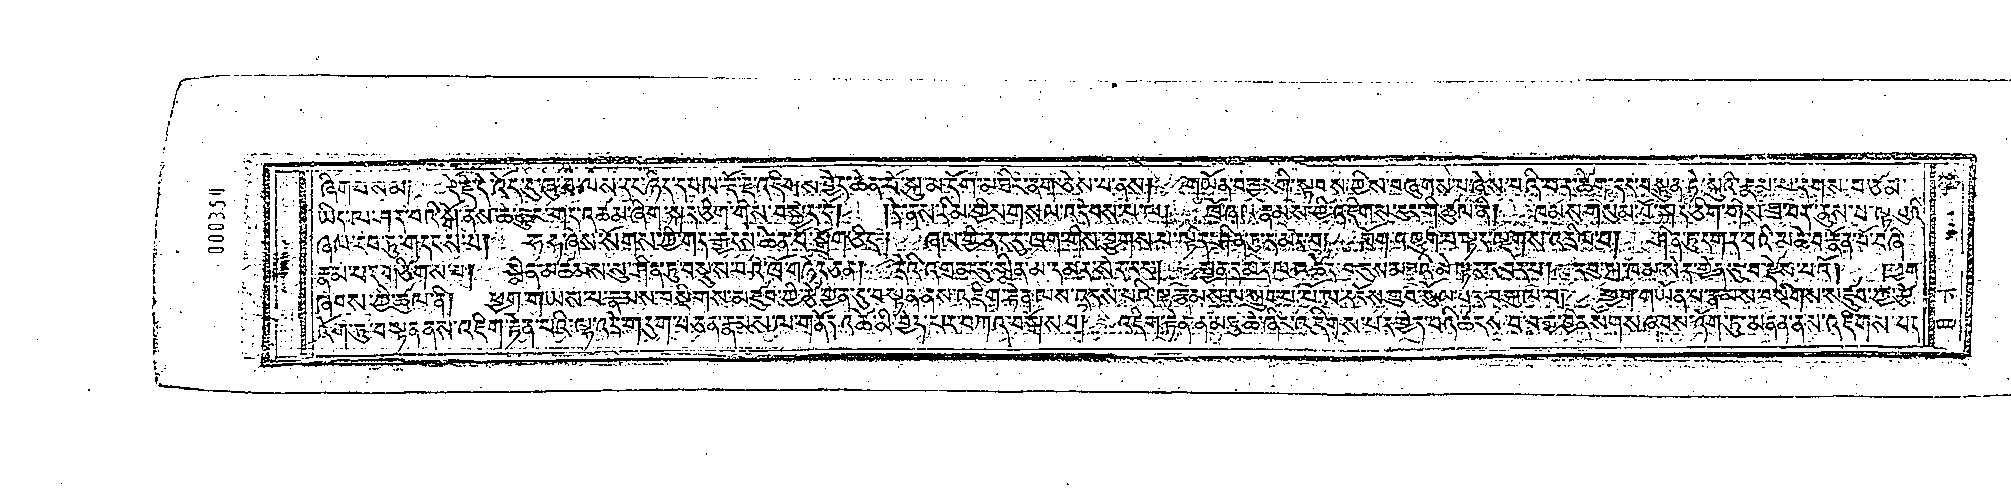ཞིག་བསམ། རྡོ་རྗེ་དེ་འོད་དུ་ཞུ་བ་ལས་རང་ཉིད་དཔལ་རྡོ་རྗེ་འཇིགས་བྱེད་ཆེན་པོ་སྐུ་མདོག་མཐིང་ནག་ཅེས་པ་ནས། གཡོན་བརྐྱང་གི་སྟབས་ཀྱིས་བཞུགས་པ་ཞེས་པའི་བར་ཚིག་དང་བསྟུན་ཏེ་སྐུའི་རྣམ་པ་རགས་པ་ཙམ་
ཡིད་ལ་ཤར་བའི་སྒོ་ནས་ཆེ་ཆུང་གང་འཚམ་ཞིག་སྐད་ཅིག་གིས་བསྐྱེད་དོ། །དེ་ནས་རིམ་གྱིས་གསལ་འདེབས་པ་ལ། ཁྲོ་ཞལ་རྣམས་ཀྱི་འཇིགས་རུང་གི་ཚུལ་ནི། ཁམས་གསུམ་པོ་སྐད་ཅིག་གིས་ཟ་བར་ནུས་པ་ལྟ་བུའི་
ཞལ་རབ་ཏུ་གདངས་པ། ཧ་ཧ་ཞེས་སོགས་ཀྱི་གང་རྒྱངས་ཆེན་པོ་སྒྲོག་ཅིང་། ཞལ་གྱི་ནང་དུ་ཁྲག་གིས་བྱུགས་པ་ལྟར་ཤིན་ཏུ་དམང་བ། གློག་འཁྱུག་པ་ལྟར་ལྗགས་འདྲིལ་བ། ཤིན་ཏུ་དཀར་བའི་མཆེ་བ་རྣོན་པོ་བཞི་
རྣམ་པར་གཙིགས་པ། སྨིན་མཚམས་སུ་ཤིན་ཏུ་བསྡུས་བའི་ཁྲོ་གཉེར་ཅན། དེའི་འགྲམ་དུ་སྨིན་མ་དམར་སེར་དང་། སྤྱན་དམར་ལ་འཚེར་བ་དུས་མཐའི་མེ་ལྟར་འབར་བ། དབུ་སྐྲ་ཁམ་སེར་གྱེན་དུ་བརྫེས་པའོ། །ཕྱག་
ཞབས་ཀྱི་ཚུལ་ནི། ཕྱག་གཡས་པ་རྣམས་བསྡིགས་མཛུབ་ཀྱི་རྩེ་གྱན་དུ་བསྟན་ནས་འཇིག་རྟེན་ལས་འདས་པའི་ལྷ་རྣམས་ལ་སྒྲུབ་པ་པོ་ལ་དངོས་གྲུབ་སྩོལ་པར་བསྐུལ་བ། ཕྱག་གཡོན་པ་རྣམས་བསྡིགས་མཛུབ་ཀྱི་རྩེ་
འོག་ཏུ་བསྟན་ནས་འཇིག་རྟེན་པའི་ལྷ་འདྲེ་གདུག་པ་ཅན་རྣམས་ལ་གནོད་འཚེ་མི་བྱེད་པར་བཀའ་བསྒོས་པ། འཇིག་རྟེན་ན་མཐུ་ཆེ་ཞིང་འཇིགས་པར་བྱེད་པའི་ཚངས་པ་བརྒྱ་བྱིན་སོགས་ཞབས་འོག་ཏུ་མནན་ནས་འཇིགས་པར་